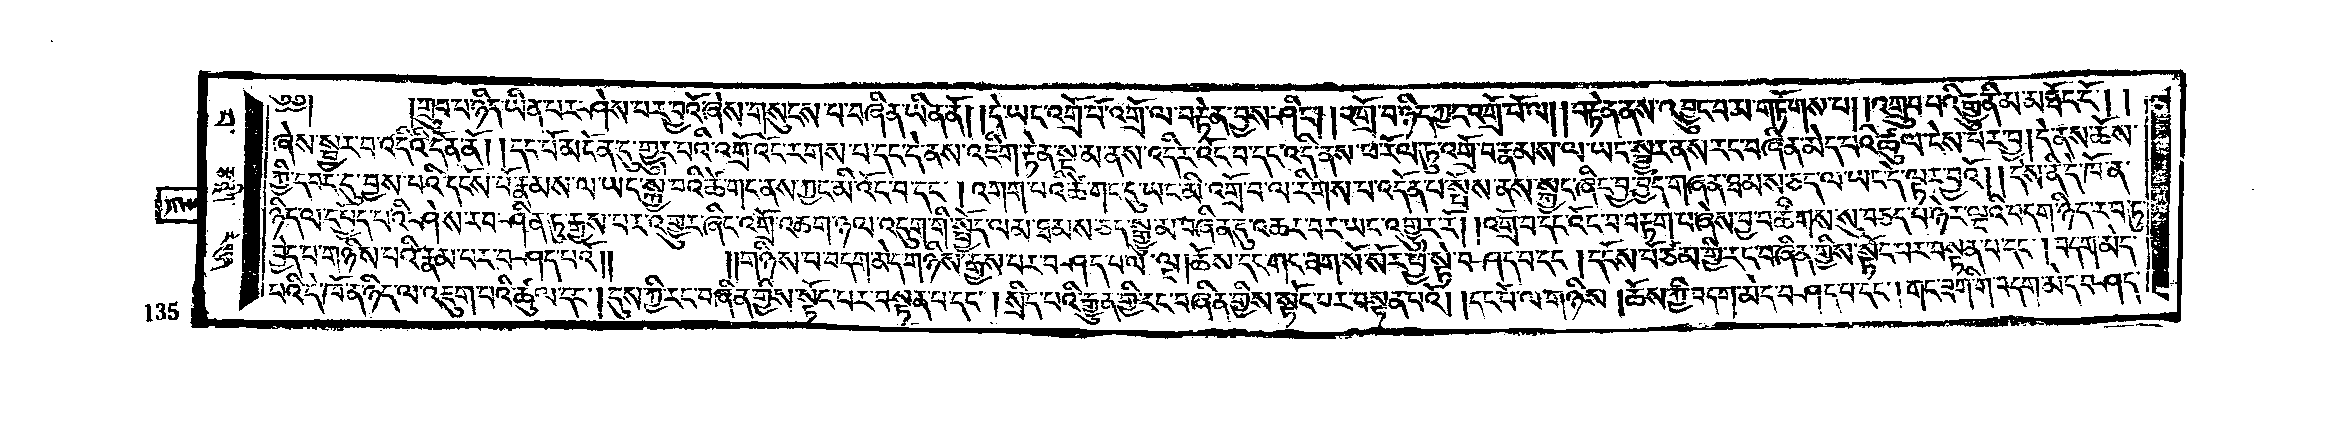༄༅། །གྲུབ་པ་ཉིད་ཡིན་པར་ཤེས་པར་བྱའོ་ཞེས་གསུངས་པ་བཞིན་ཡིན་ནོ། །དེ་ཡང་འགྲོ་བོ་འགྲོ་ལ་བརྟེན་བྱས་ཤིང་། །འགྲོ་བ་ཉིད་ཀྱང་འགྲོ་པོ་ལ། །བརྟེན་ནས་འབྱུང་བ་མ་གཏོགས་པ། །འགྲུབ་པའི་རྒྱུ་ནི་མ་མཐོང་ངོ། །
ཞེས་སྦྱར་བ་འདིའི་དོན་ནོ། །དང་པོ་མངོན་དུ་གྱུར་པའི་འགྲོ་འོང་རགས་པ་དང་དེ་ནས་འཇིག་རྟེན་སྔ་མ་ནས་འདིར་འོང་བ་དང་འདི་ནས་ཕ་རོལ་ཏུ་འགྲོ་བ་རྣམས་ལ་ཡང་སྦྱར་ནས་རང་བཞིན་མེད་པའི་ཚུལ་ངེས་པར་བྱ། དེ་ནས་ཆོས་
ཀྱི་དབང་དུ་བྱས་པའི་དངོས་པོ་རྣམས་ལ་ཡང་སྐྱེ་བའི་ཚེ་གང་ནས་ཀྱང་མི་འོང་བ་དང་། འགག་པའི་ཚེ་གང་དུ་ཡང་མི་འགྲོ་བ་ལ་རིགས་པ་འདོན་པ་སྤོས་ནས་སྐྱང་ཞིང་བྱ་བྱེད་གཞན་ཐམས་ཅད་ལ་ཡང་དེ་ལྟར་བྱའོ། །དེས་ནི་དེ་ཁོ་ན་
ཉིད་ལ་དཔྱོད་པའི་ཤེས་རབ་ཤིན་ཏུ་རྒྱས་པར་འགྱུར་ཞིང་འགྲོ་འཆག་ཉལ་འདུག་གི་སྤྱོད་ལམ་ཐམས་ཅད་སྒྱུ་མ་བཞིན་དུ་འཆར་བར་ཡང་འགྱུར་རོ། །འགྲོ་བ་དང་འོང་བ་བརྟག་པ་ཞེས་བྱ་བ་ཚིགས་སུ་བཅད་པ་ཉེར་ལྔའི་བདག་ཉིད་རབ་ཏུ་
བྱེད་པ་གཉིས་པའི་རྣམ་པར་བཤད་པའོ།། །།གཉིས་པ་བདག་མེད་གཉིས་རྒྱས་པར་བཤད་པ་ལ་ལྔ། ཆོས་དང་གང་ཟག་སོ་སོར་ཕྱེ་སྟེ་བཤད་པ་དང་། དངོས་པོ་ཙམ་གྱི་རང་བཞིན་གྱིས་སྟོང་པར་བསྟན་པ་དང་། བདག་མེད་
པའི་དེ་ཁོ་ན་ཉིད་ལ་འཇུག་པའི་ཚུལ་དང་། དུས་ཀྱི་རང་བཞིན་གྱིས་སྟོང་པར་བསྟན་པ་དང་། སྲིད་པའི་རྒྱུན་གྱི་རང་བཞིན་གྱིས་སྟོང་པར་བསྟན་པའོ། །དང་པོ་ལ་གཉིས། ཆོས་ཀྱི་བདག་མེད་བཤད་པ་དང་། གང་ཟག་གི་བདག་མེད་བཤད་